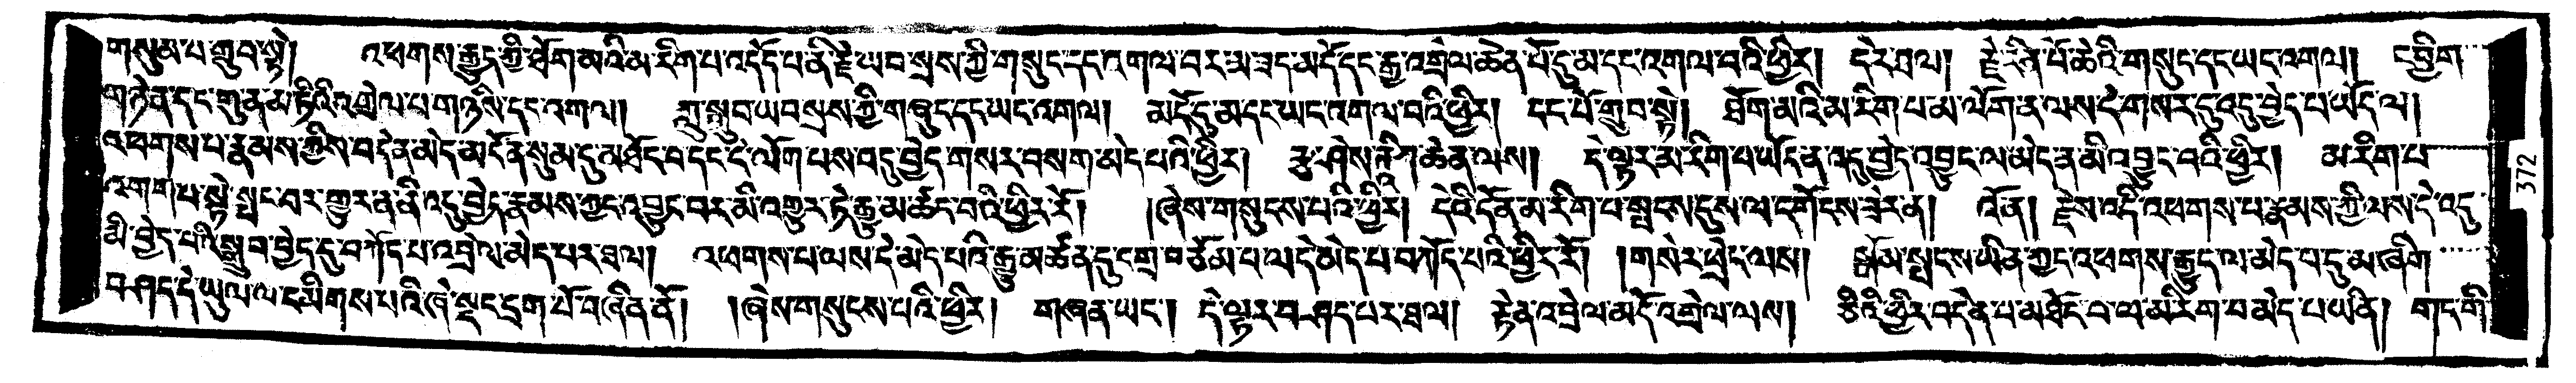གསུམ་པ་གྲུབ་སྟེ། འཕགས་རྒྱུད་ཀྱི་ཐོག་མའི་མ་རིག་པ་འདོད་པ་ནི་རྗེ་ཡབ་སྲས་ཀྱི་གསུང་དང་འགལ་བར་མ་ཟད་མདོ་དང་རྒྱ་འགྲེལ་ཆེན་པོ་དུ་མ་དང་འགལ་བའི་ཕྱིར། དེར་ཐལ། རྗེ་རིན་པོ་ཆེའི་གསུང་དང་ཡང་འགལ། དབྱིག་
གཉེན་དང་གུ་ན་མ་ཏིའི་འགྲེལ་བ་གཉིས་དང་འགལ། ཀླུ་སྒྲུབ་ཡབ་སྲས་ཀྱི་གཞུང་དང་ཡང་འགལ། མདོ་དུ་མ་དང་ཡང་འགལ་བའི་ཕྱིར། དང་པོ་གྲུབ་སྟེ། ཐོག་མའི་མ་རིག་པ་མ་ལོག་ན་ལས་དེ་གསར་དུ་འདུ་བྱེད་པ་ཡོད་ལ།
འཕགས་པ་རྣམས་ཀྱིས་བདེན་མེད་མངོན་སུམ་དུ་མཐོང་བ་དང་དེ་ལོག་པས་འདུ་བྱེད་གསར་བསག་མེད་པའི་ཕྱིར། རྩ་ཤེས་ཊཱིཀ་ཆེན་ལས། དེ་ལྟར་མ་རིག་པ་ཡོད་ན་འདུ་བྱེད་འབྱུང་ལ་མེད་ན་མི་འབྱུང་བའི་ཕྱིར། མ་རིག་པ་
འགག་པ་སྟེ་སྤང་བར་གྱུར་ན་ནི་འདུ་བྱེད་རྣམས་ཀྱང་འབྱུང་བར་མི་འགྱུར་ཏེ་རྒྱུ་མ་ཚང་བའི་ཕྱིར་རོ། །ཞེས་གསུངས་པའི་ཕྱིར། དེའི་དོན་མ་རིག་པ་སྤངས་དུས་ལ་དགོངས་ཟེར་ན། འོ་ན། རྗེས་འདི་འཕགས་པ་རྣམས་ཀྱི་ལས་དེ་འདུ་
མི་བྱེད་པའི་སྒྲུབ་བྱེད་དུ་བཀོད་པ་འབྲེལ་མེད་པར་ཐལ། འཕགས་པ་ལས་དེ་མེད་པའི་རྒྱུ་མཚན་དུ་དགྲ་བཅོམ་པ་ལ་དེ་མེད་པ་བཀོད་པའི་ཕྱིར་རོ། །གསེར་ཕྲེང་ལས། སྒོམ་སྤངས་ཡིན་ཀྱང་འཕགས་རྒྱུད་ལ་མེད་པ་དུ་མ་ཞིག་
བཤད་དེ་ཡུལ་ལ་དམིགས་པའི་ཞེ་སྡང་དྲག་པོ་བཞིན་ནོ། །ཞེས་གསུངས་པའི་ཕྱིར། གཞན་ཡང་། དེ་ལྟར་བཤད་པར་ཐལ། རྟེན་འབྲེལ་མདོ་འགྲེལ་ལས། ཅིའི་ཕྱིར་བདེན་པ་མཐོང་བ་ལ་མ་རིག་པ་མེད་པ་ཡིན། གང་གི་